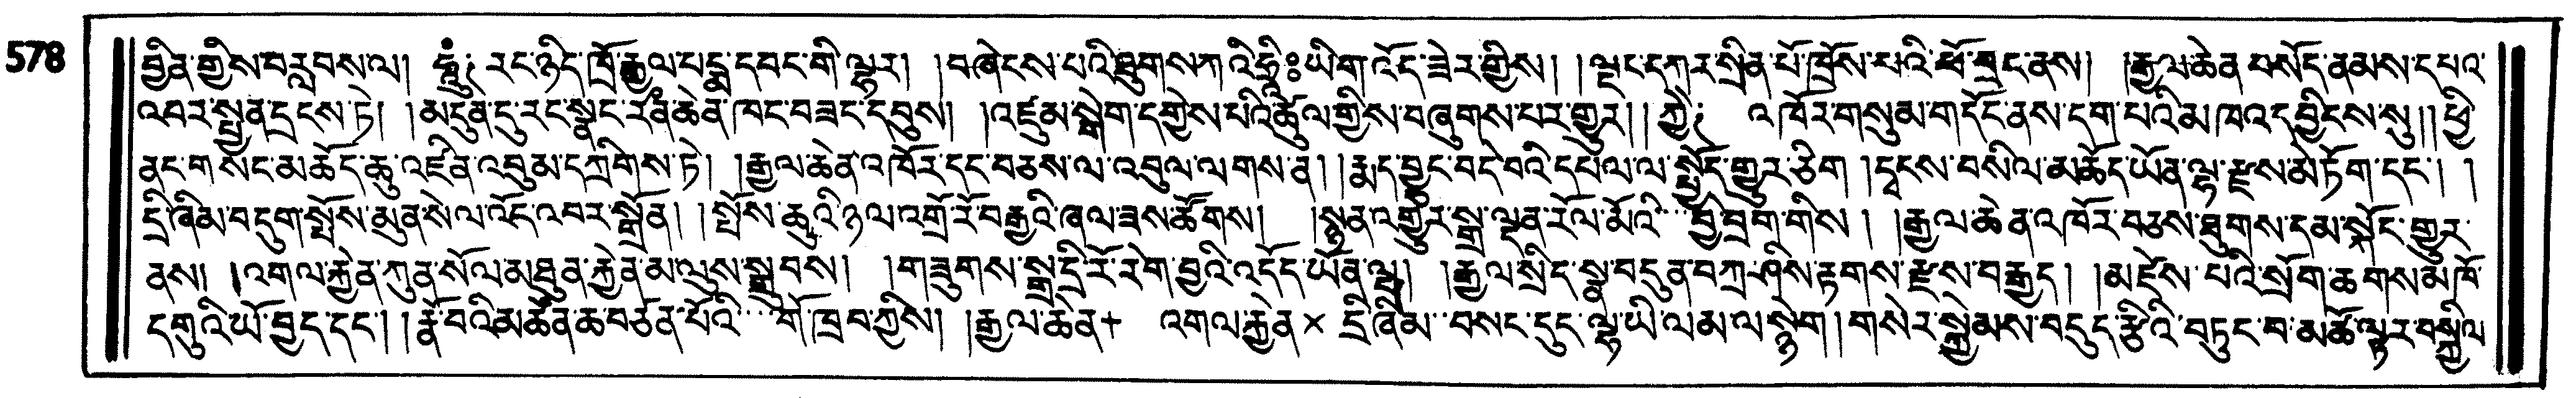བྱིན་གྱིས་བརླབས་ལ། ཧཱུཾ༑ རང་ཉིད་ཁྲོ་རྒྱལ་པདམ་དབང་གི་ལྷར། །བཞེངས་པའི་ཐུགས་ཀའི་ཧྲཱིཿ ཡིག་འོད་ཟེར་གྱིས། །ལྡང་དཀར་སྲིན་པོ་ཁྲོས་པའི་ཕོ་བྲང་ནས། །རྒྱལ་ཆེན་བསོད་ནམས་དཔའ་
འབར་སྤྱན་དྲངས་ཏེ། །མདུན་དུ་རང་སྣང་རྀན་ཆེན་ཁང་བཟང་དབུས། །འཛུམ་སྒེག་དགྱེས་པའི་ཚུལ་གྱིས་བཞུགས་པར་གྱུར། །ཀྱཻ༑ འཁོར་གསུམ་གདོང་ནས་དག་པའི་མཁའ་དབྱིངས་སུ། །ཕྱི་
ནང་གསང་མཆོད་ཆུ་འཛིན་འབུམ་དཀྲིགས་ཏེ། །རྒྱལ་ཆེན་འཁོར་དང་བཅས་ལ་འབུལ་ལགས་ན། །རྨད་བྱུང་བདེ་བའི་དཔལ་ལ་སྤྱོད་གྱུར་ཅིག །དྭངས་བསིལ་མཆོད་ཡོན་ལྷ་རྫས་མེ་ཏོག་དང་། །
དྲི་ཞིམ་བདུག་སྤོས་མུན་སེལ་འོད་འབར་སྒྲོན། །སྤོས་ཆུའི་ཉལ་འགྲོ་རོ་བརྒྱའི་ཞལ་ཟས་ཚོགས། །སྙན་འགྱུར་སྒྲ་ལྡན་རོལ་མོའི་་་བྱེ་བྲག་གིས། །རྒྱལ་ཆེན་འཁོར་བཅས་ཐུགས་དམ་སྐོང་གྱུར་
ནས། །འགལ་རྐྱེན་ཀུན་སོལ་མཐུན་རྐྱེན་མ་ལུས་སྒྲུབས། །གཟུགས་སྒྲ་དྲི་རོ་རེག་བྱའི་འདོད་ཡོན་ཝ། །རྒྱལ་སྲིད་སྣ་བདུན་བཀྲ་ཤིས་རྟགས་རྫས་བརྒྱད། །མཛེས་པའི་སྲོག་ཆགས་མཁོ་
དགུའི་ཡོ་བྱད་དང་། །རྣོ་བའི་མཚོན་ཆ་བཙན་པོའི་་་གོ་ཁྲབ་ཀྱིས། །རྒྱལ་ཆེན་྾་འགལ་རྐྱེན་྾་དྲི་ཞིམ་་་བསང་དུང་ལྷ་ཡི་ལམ་ལ་སྙེག །གསེར་སྐྱེམས་བདུད་རྩིའི་བཏུང་བ་མཚོ་ལྟར་བསྐྱིལ་